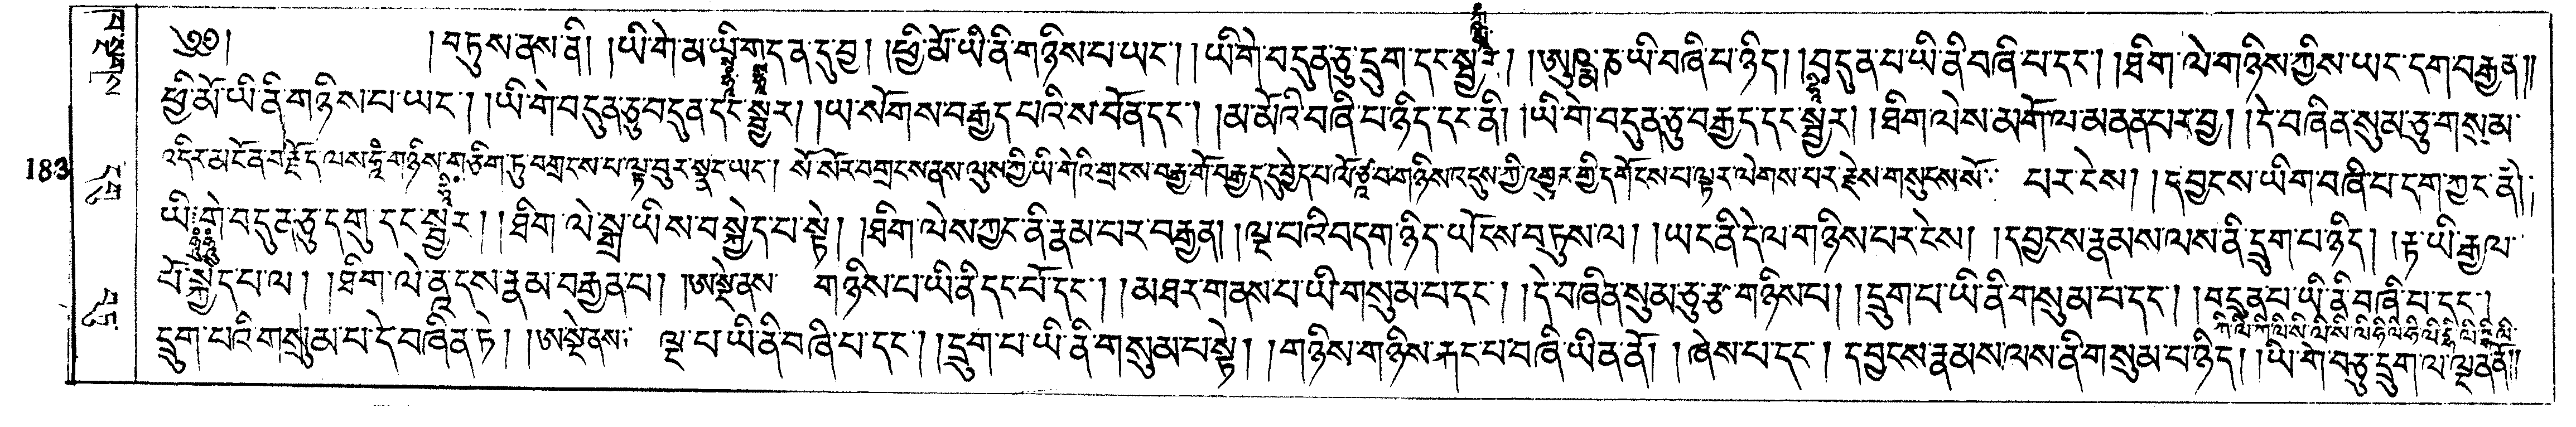༄༅། །བཏུས་ནས་ནི། །ཡི་གེ་མ་ཡི་གདན་དུ་བྱ། །ཕྱི་མོ་ཡི་ནི་གཉིས་པ་ཡང་། །ཡི་གེ་བདུན་ཅུ་དྲུག་དང་སྦྱར། །ཨུཥྨ་ཎ་ཡི་བཞི་པ་ཉིད། །བདུན་པ་ཡི་ནི་བཞི་པ་དང་། །ཐིག་ལེ་གཉིས་ཀྱིས་ཡང་དག་བརྒྱན།།
ཕྱི་མོ་ཡི་ནི་གཉིས་པ་ཡང་། །ཡི་གེ་བདུན་ཅུ་བདུན་དང་སྦྱར། །ཡ་སོགས་བརྒྱད་པའི་ས་བོན་དང་། །མ་མོའི་བཞི་པ་ཉིད་དང་ནི། །ཡི་གེ་བདུན་ཅུ་བརྒྱད་དང་སྦྱར། །ཐིག་ལེས་མགོ་ལ་མནན་པར་བྱ། །དེ་བཞིན་སུམ་ཅུ་གསུམ་
འདིར་མངོན་བརྗོད་ལས་ཧཱཾ་གཉིས་གཅིག་ཏུ་བགྲངས་པ་ལྟ་བུར་སྣང་ཡང་། སོ་སོར་བགྲངས་ནས་ལུས་ཀྱི་ཡི་གེའི་གྲངས་བརྒྱ་གོ་བརྒྱད་དུ་བྱེད་པ་ལོ་ཙཱ་བ་གཉིས་འདུས་ཀྱི་འགྱུར་གྱི་དགོངས་པ་ལྟར་ལེགས་པར་རྗེས་གསུངས་སོ༑ པར་ངེས། །དབྱངས་ཡིག་བཞི་པ་དག་ཀྱང་ནི།།
ཡི་གེ་ཧཱུཾ་ཧཱུཾ་བདུན་ཅུ་དགུ་དང་སྦྱར། །ཐིག་ལེ་སྒྲ་ཡིས་བསྐྱེད་པ་སྟེ། །ཐིག་ལེས་ཀྱང་ནི་རྣམ་པར་བརྒྱན། །ལྔ་བའི་བདག་ཉིད་ཡོངས་བཏུས་ལ། །ཡང་ནི་དེ་ལ་གཉིས་པར་ངེས། །དབྱངས་རྣམས་ལས་ནི་དྲུག་པ་ཉིད། །རྟ་ཡི་རྒྱལ་
པོ་སྐྱེད་པ་ལ། །ཐིག་ལེ་ནཱ་དས་རྣམ་བརྒྱན་པ། །ཨ་སྡེ་ནས། གཉིས་པ་ཡི་ནི་དང་པོ་དང་། །མཐར་གནས་པ་ཡི་གསུམ་པ་དང་། །དེ་བཞིན་སུམ་ཅུ་རྩ་གཉིས་པ། །དྲུག་པ་ཡི་ནི་གསུམ་པ་དང་། །བདུན་པ་ཡི་ནི་བཞི་པ་དང་། ཀི་ལི་ཀི་ལི་སི་ལི་སི་ལི་ཧི་ལི་ཧི་ལི་དྷི་ལི་དྷི་ལི་
དྲུག་པའི་གསུམ་པ་དེ་བཞིན་ཏེ། །ཨ་སྡེ་ནས༑ ལྔ་པ་ཡི་ནི་བཞི་པ་དང་། །དྲུག་པ་ཡི་ནི་གསུམ་པ་སྟེ། །གཉིས་གཉིས་རྐང་པ་བཞི་ཡིན་ནོ། །ཞེས་པ་དང་། དབྱངས་རྣམས་ལས་ནི་གསུམ་པ་ཉིད། །ཡི་གེ་བཅུ་དྲུག་ལ་ལྡན་ནོ།།